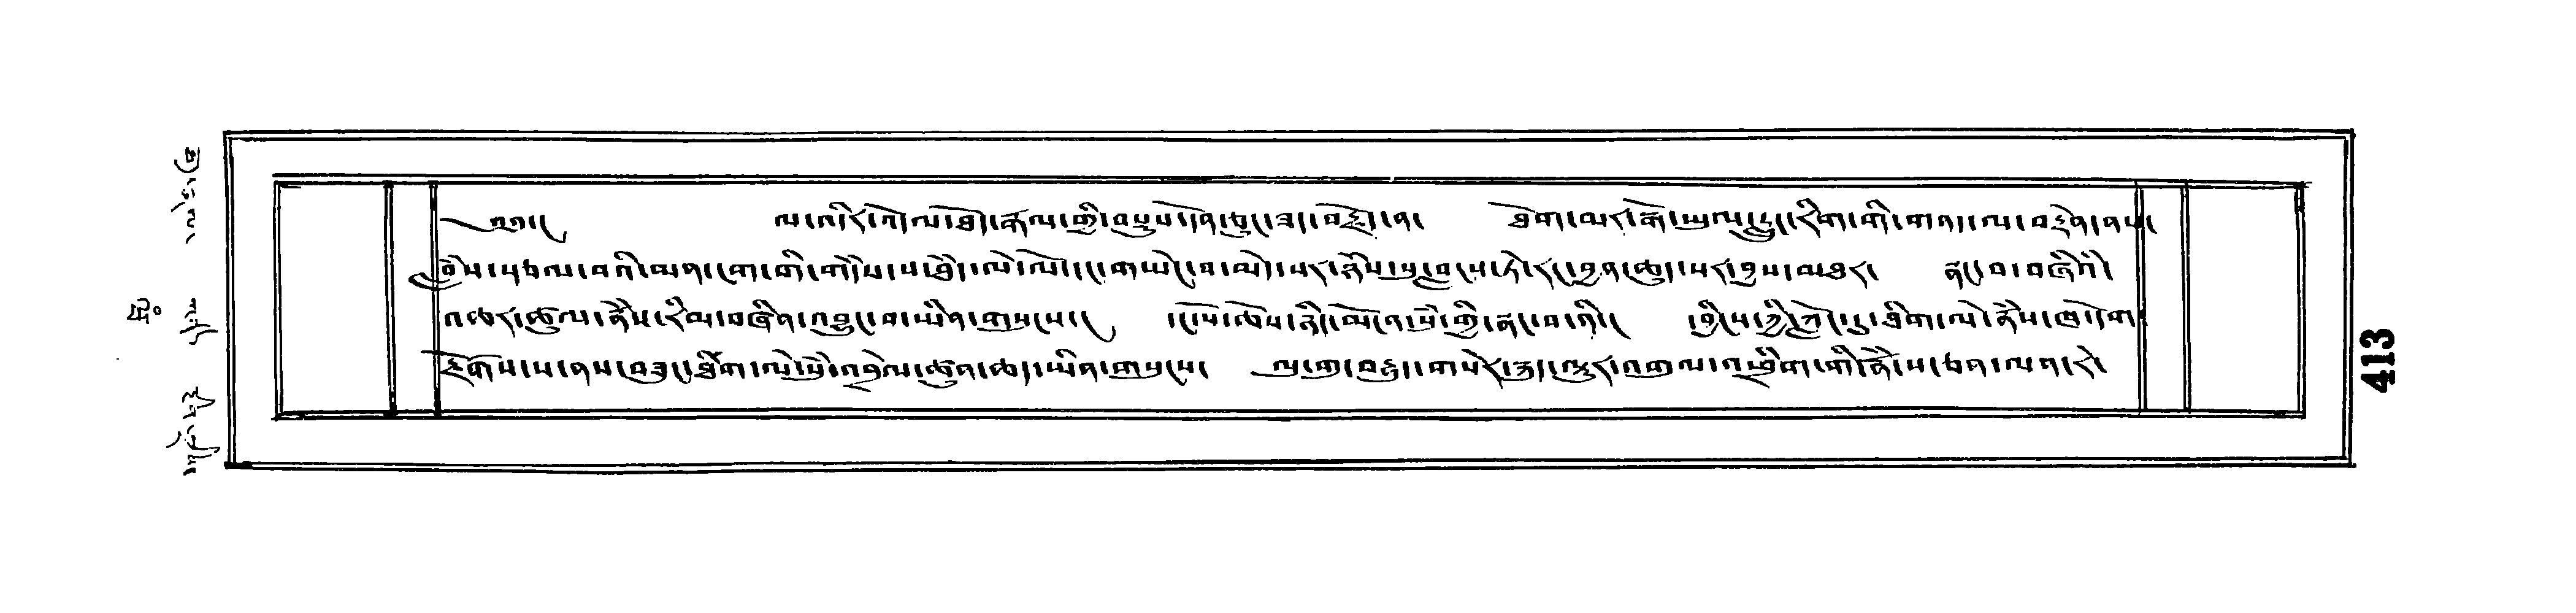ལ་འདིར་འོད་གསལ་ཐོད་རྒལ་གྱི་བསྡུས་དོན་ཅུང་ཟད་བརྗོད་ན། ཐོག་མར་སྒོ་ཡུལ་རླུང་རིག་གི་གནད་ལ་བརྟེན་ནས་
བླ་མས་བསྩལ་བའི་མན་ངག་གི་གདམས་པ་ཐམས་ཅད་ལེ་ལོ་དང་གཡེང་བ་མེད་པར་ཉམས་སུ་བླངས་ཏེ་རང་བྱན་ཆུད་པར་བྱས་མཐར། སྣང་བ་བཞིའི་
འཆར་ཚུལ་རྣམས་རིམ་བཞིན་འབྱུང་བ་ཡིན་གསུངས། དང་པོ་ཆོས་ཉིད་མངོན་སུམ་གྱི་སྣང་བ་ནི། དབྱིངས་ཀྱི་ཀློང་དུ་ཐིག་ལེ་རྣམས་ཁ་དོག་
རྫོགས་པ་ནས་བཟུང་ཐིག་ལེ་སུམ་འབྲེལ་ཚུན་ཆད་ཡིན་གསུངས། ལུ་གུ་བརྒྱུད་གསེར་སྐུད་ལྟ་བུར་འགུལ་འཕྲིག་གི་རྣམ་པ་ཅན་ལན་རེ་